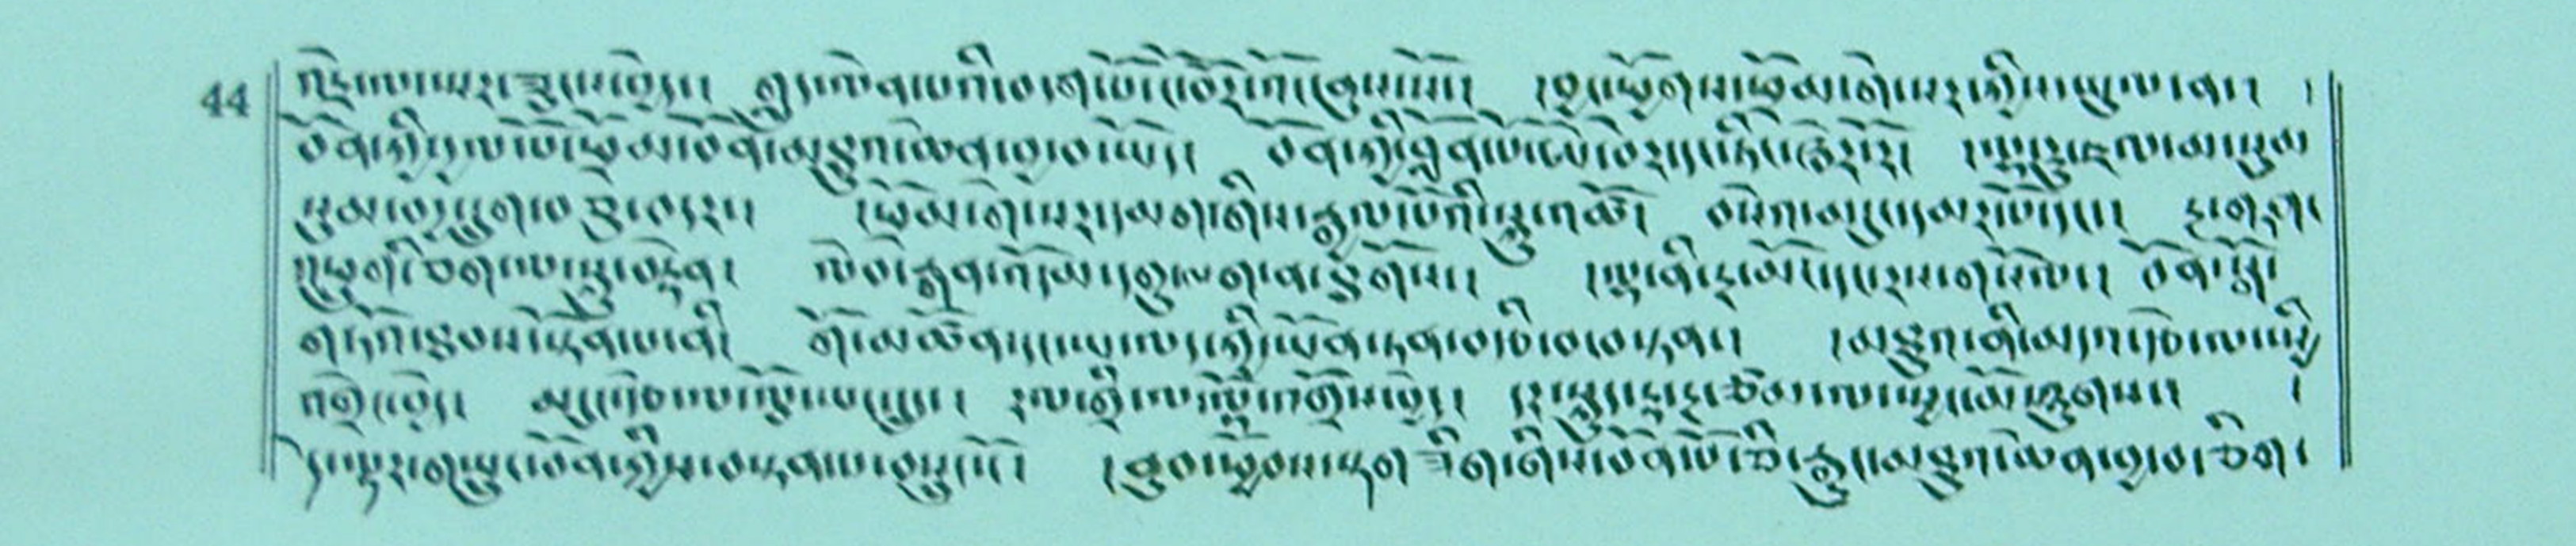འདྲེ་ལ་སྤར་བཟུངས་བྱེད། གླུད་ལེན་པའི་བདག་པོ་ངོ་བོར་འོངས་ནུས་སོ། །བྱང་ཕྱོགས་ཕྲོམ་གེ་སར་གྱི་ཡུལ་ན། 
བོན་གྱི་རྒྱལ་བོ་ཕྲོམ་བོན་མཐུ་ཆེན་བྱ་བ་ཡོད། བོན་གྱི་བློན་པོ་ཨེ་ཝེར་དང་ཏིང་ཝེར་རོ། །ལྷ་རུ་ཇལ་མ་སུམ་
བརྒྱ་དྲུག་བཅུ་བདར། ཕྲོམ་གེ་སར་དམག་གི་རྒྱལ་བོའི་སྐུ་འཚོ། བསེ་གདུང་དམར་པོ་དང་། རྔ་གཤང་
འཕྲུག་[འབྲུག]གཅིག་ལ་སྐུ་བརྟེན། ལེབ་རྒན་འདོམ་དགུ་ལག་ན་ཐོགས། ལྷ་ནི་རྔ་མོང་དང་རས་གསོལ་ལོ། །བོན་སྒོ་
གཏོའ་ཐབས་སྟོན་པ་ནི། གོ་མཚོན་དང་ཡ་ལད་ཀྱི་ཡོན་ཏན་བརྩི་བར་བསྟན། མཐུ་ནི་མདའ་རྩེ་ལ་སྤྱི་
འགྲེང་བྱེད། མདུང་རྩེ་ལ་ལྕོ་ཡང་དྲུད། རལ་གྲི་ལ་ལྟོ་འགྲོས་བྱེད། དར་སྐུད་རྟ་རྔ་ཙམ་ལ་སྤྱང་མོ་ཉུགས། 
དེ་ལྟར་གཡུང་དྲུང་བོན་གྱི་བསྟན་པ་བསྲུངས་སོ། །ནུབ་ཕྱོགས་སྟག་གཟིག་ཡུལ་དུ་སྟག་གཟིག་གི་བོན་པོ་ནི་ཅི་རྒྱུང་མཐུ་ཆེན་བྱ་བ་གཅིག་